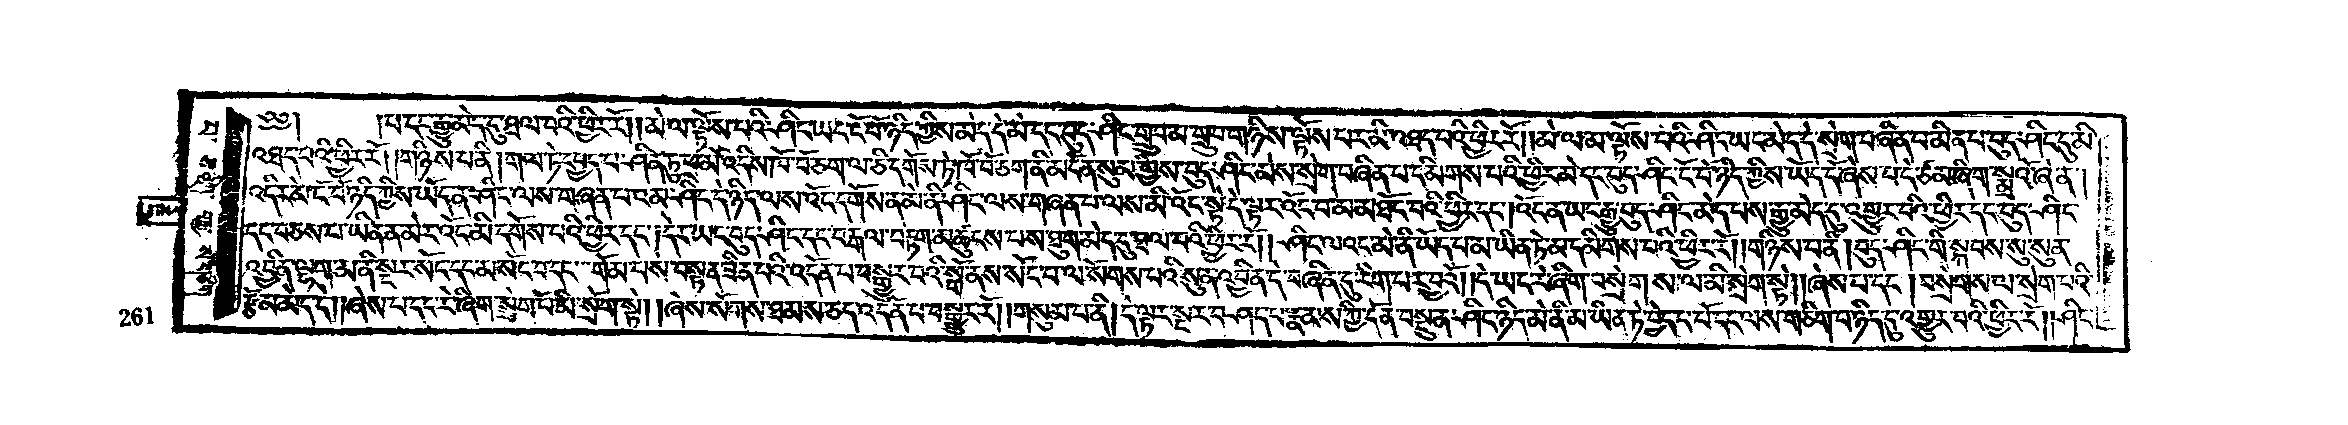༄༅། །པ་དང་རྒྱུ་མེད་དུ་ཐལ་བའི་ཕྱིར་རོ། །མེ་ལ་ལྟོས་པའི་ཤིང་ཡང་ངོ་བོ་ཉིད་ཀྱིས་མེད་དེ་མེ་དང་བུད་ཤིང་གྲུབ་མ་གྲུབ་གཉིས་ལྟོས་པར་མི་འཐད་པའི་ཕྱིར་རོ། །མེ་ལ་མ་ལྟོས་པའི་ཤིང་ཡང་མེད་དེ་སྲེག་བཞིན་པ་མིན་པ་བུད་ཤིང་དུ་མི་
འཐད་པའི་ཕྱིར་རོ། །གཉིས་པ་ནི། གལ་ཏེ་དཔྱད་པ་ཤིན་ཏུ་ཕྲ་མོ་འདིས་ཁོ་བོ་ཅག་ལ་ཅི་དགོས་ཏེ་ཁོ་བོ་ཅག་ནི་མངོན་སུམ་གྱིས་བུད་ཤིང་མེས་སྲེག་བཞིན་པ་དམིགས་པའི་ཕྱིར་མེ་དང་བུད་ཤིང་ངོ་བོ་ཉིད་ཀྱིས་ཡོད་དོ་ཞེས་པ་དེ་ཙམ་ཞིག་སྨྲའོ་ཞེ་ན།
འདིར་མེ་ངོ་བོ་ཉིད་ཀྱིས་ཡོད་ན་ཤིང་ལས་གཞན་པའམ་ཤིང་དེ་ཉིད་ལས་འོང་དགོས་ན་མེ་ནི་ཤིང་ལས་གཞན་པ་ལས་མི་འོང་སྟེ་དེ་ལྟར་འོང་བ་མ་མཐོང་བའི་ཕྱིར་དང་། འོང་ན་ཡང་རྒྱུ་བུད་ཤིང་མེད་པས་རྒྱུ་མེད་དུ་འགྱུར་བའི་ཕྱིར་དང་བུད་ཤིང་
དང་བཅས་པ་ཡིན་ན་མར་འོང་མི་དགོས་པའི་ཕྱིར་དང་། དེར་ཡང་བུད་ཤིང་དང་བརྒལ་བརྟག་མཚུངས་པས་ཐུག་མེད་དུ་ཐལ་བའི་ཕྱིར་རོ། །ཤིང་ལའང་མེ་ནི་ཡོད་པ་མ་ཡིན་ཏེ་མ་དམིགས་པའི་ཕྱིར་རོ། །གཉིས་པ་ནི། བུད་ཤིང་གི་སྐབས་སུ་སུན་
འབྱིན་ལྷག་མ་ནི་སྔར་སོང་དང་མ་སོང་བ་དང་གེམ་པས་བསྟན་ཟིན་པའི་འདོན་པ་བསྒྱུར་བའི་སྒོ་ནས་སོང་བ་ལ་སོགས་པའི་སུན་འབྱིན་དེ་བཞིན་དུ་རིགས་པར་བྱའོ། །དེ་ཡང་རེ་ཞིག་བསྲེགས་ལ་མི་སྲེག་སྟེ། །ཞེས་པ་དང་། བསྲེགས་ལ་སྲེག་པའི་
རྩོམ་མེད་དེ། །ཞེས་པ་དང་རེ་ཞིག་སྲེག་པོ་མི་སྲེག་སྟེ། །ཞེས་སོགས་ཐམས་ཅད་འདོན་པ་བསྒྱུར་རོ། །གསུམ་པ་ནི། དེ་ལྟར་སྔར་བཤད་པ་རྣམས་ཀྱི་དན་བསྡུ་ན་ཤིང་ཉིད་མེ་ནི་མ་ཡིན་ཏེ་བྱེད་པ་པོ་དང་ལས་གཅིག་པ་ཉིད་དུ་འགྱུར་བའི་ཕྱིར་རོ། །ཤིང་